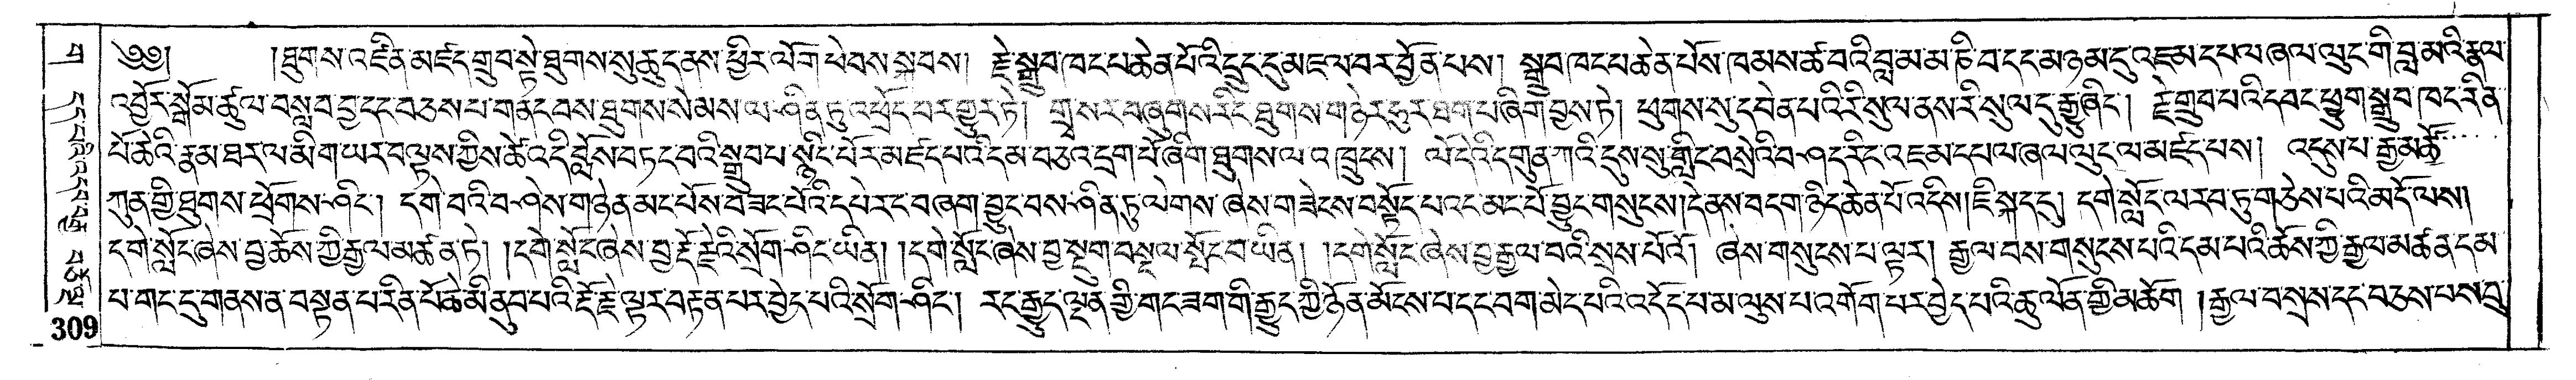༄༅། །ཐུགས་འཛིན་མཛད་གྲུབ་སྟེ་ཐུགས་སུ་ཆུད་ནས་ཕྱིར་ལོག་ཕེབས་སྐབས། རྗེ་སྒྲུབ་ཁང་པ་ཆེན་པོའི་དྲུང་དུ་མཇལ་བར་བྱོན་པས། སྒྲུབ་ཁང་པ་ཆེན་པོས་ཁམས་ཚ་བའི་བླ་མ་མ་ཎི་བ་དང་མཉམ་དུ་འཇམ་དཔལ་ཞལ་ལུང་གི་བླ་མའི་རྣལ་
འབྱོར་སྒོམ་ཚུལ་བསླབ་བྱ་དང་བཅས་པ་གནང་བས་ཐུགས་སེམས་ལ་ཤིན་ཏུ་འཕྲོད་པར་གྱུར་ཏེ། གྲྭ་སར་བཞུགས་རིང་ཐུགས་གཉེར་ཧུར་ཐག་པ་ཞིག་བྱས་ཏེ། ཕུགས་སུ་དབེན་པའི་རི་སུལ་ནས་རི་སུལ་དུ་རྒྱུ་ཞིང་། རྗེ་གྲུབ་པའི་དབང་ཕྱུག་སྒྲུབ་ཁང་རིན་
པོ་ཆེའི་རྣམ་ཐར་ལ་མིག་ཡར་བལྟས་ཀྱིས་ཚེ་འདི་བློས་བཏང་བའི་སྒྲུབ་པ་སྙིང་པོར་མཛད་པའི་དམ་བཅའ་དྲག་པོ་ཞིག་ཐུགས་ལ་འཁྲུངས། ལོ་དེའི་དགུན་ཀའི་དུས་སུ་གླིང་བསྲེའི་བཤད་རིང་འཇམ་དཔལ་ཞལ་ལུང་ལ་མཛད་པས། འདུས་པ་རྒྱ་མཚོ་
ཀུན་གྱི་ཐུགས་ཕྲོགས་ཤིང་། དགེ་བའི་བཤེས་གཉེན་མང་པོས་བཟང་པོའི་དཔེ་རང་བཞག་བྱུང་བས་ཤིན་ཏུ་ལེགས་ཞེས་གཟེངས་བསྟོད་པའང་མང་པོ་བྱུང་གསུངས། དེ་ནས་བདག་ཉིད་ཆེན་པོ་འདིས། ཇི་སྐད་དུ། དགེ་སློང་ལ་རབ་ཏུ་གཅེས་པའི་མདོ་ལས།
དགེ་སློང་ཞེས་བྱ་ཆོས་ཀྱི་རྒྱལ་མཚན་ཏེ། །དགེ་སློང་ཞེས་བྱ་རྡོ་རྗེའི་སྲོག་ཤིང་ཡིན། །དགེ་སློང་ཞེས་བྱ་སྡུག་བསྔལ་སྤོང་བ་ཡིན། །དགེ་སློང་ཞེས་བྱ་རྒྱལ་བའི་སྲས་པོའོ། ཞེས་གསུངས་པ་ལྟར། རྒྱལ་བས་གསུངས་པའི་དམ་པའི་ཆོས་ཀྱི་རྒྱལ་མཚན་དམ་
བ་གང་དུ་གནས་ན་བསྟན་པ་རིན་པོ་ཆེ་མི་ནུབ་པའི་རྡོ་རྗེ་ལྟར་པར་བརྟན་པར་བྱེད་པའི་སྲོག་ཤིང་། རང་རྒྱུད་ལྡན་གྱི་གང་ཟག་གི་རྒྱུད་ཀྱི་ཉོན་མོངས་པ་དང་བག་མེད་པའི་འདོད་པ་མ་ལུས་པ་འགོག་པར་བྱེད་པའི་ཆུ་ལོན་གྱི་མཆོག །རྒྱལ་བ་སྲས་དང་བཅས་པས་བུ་